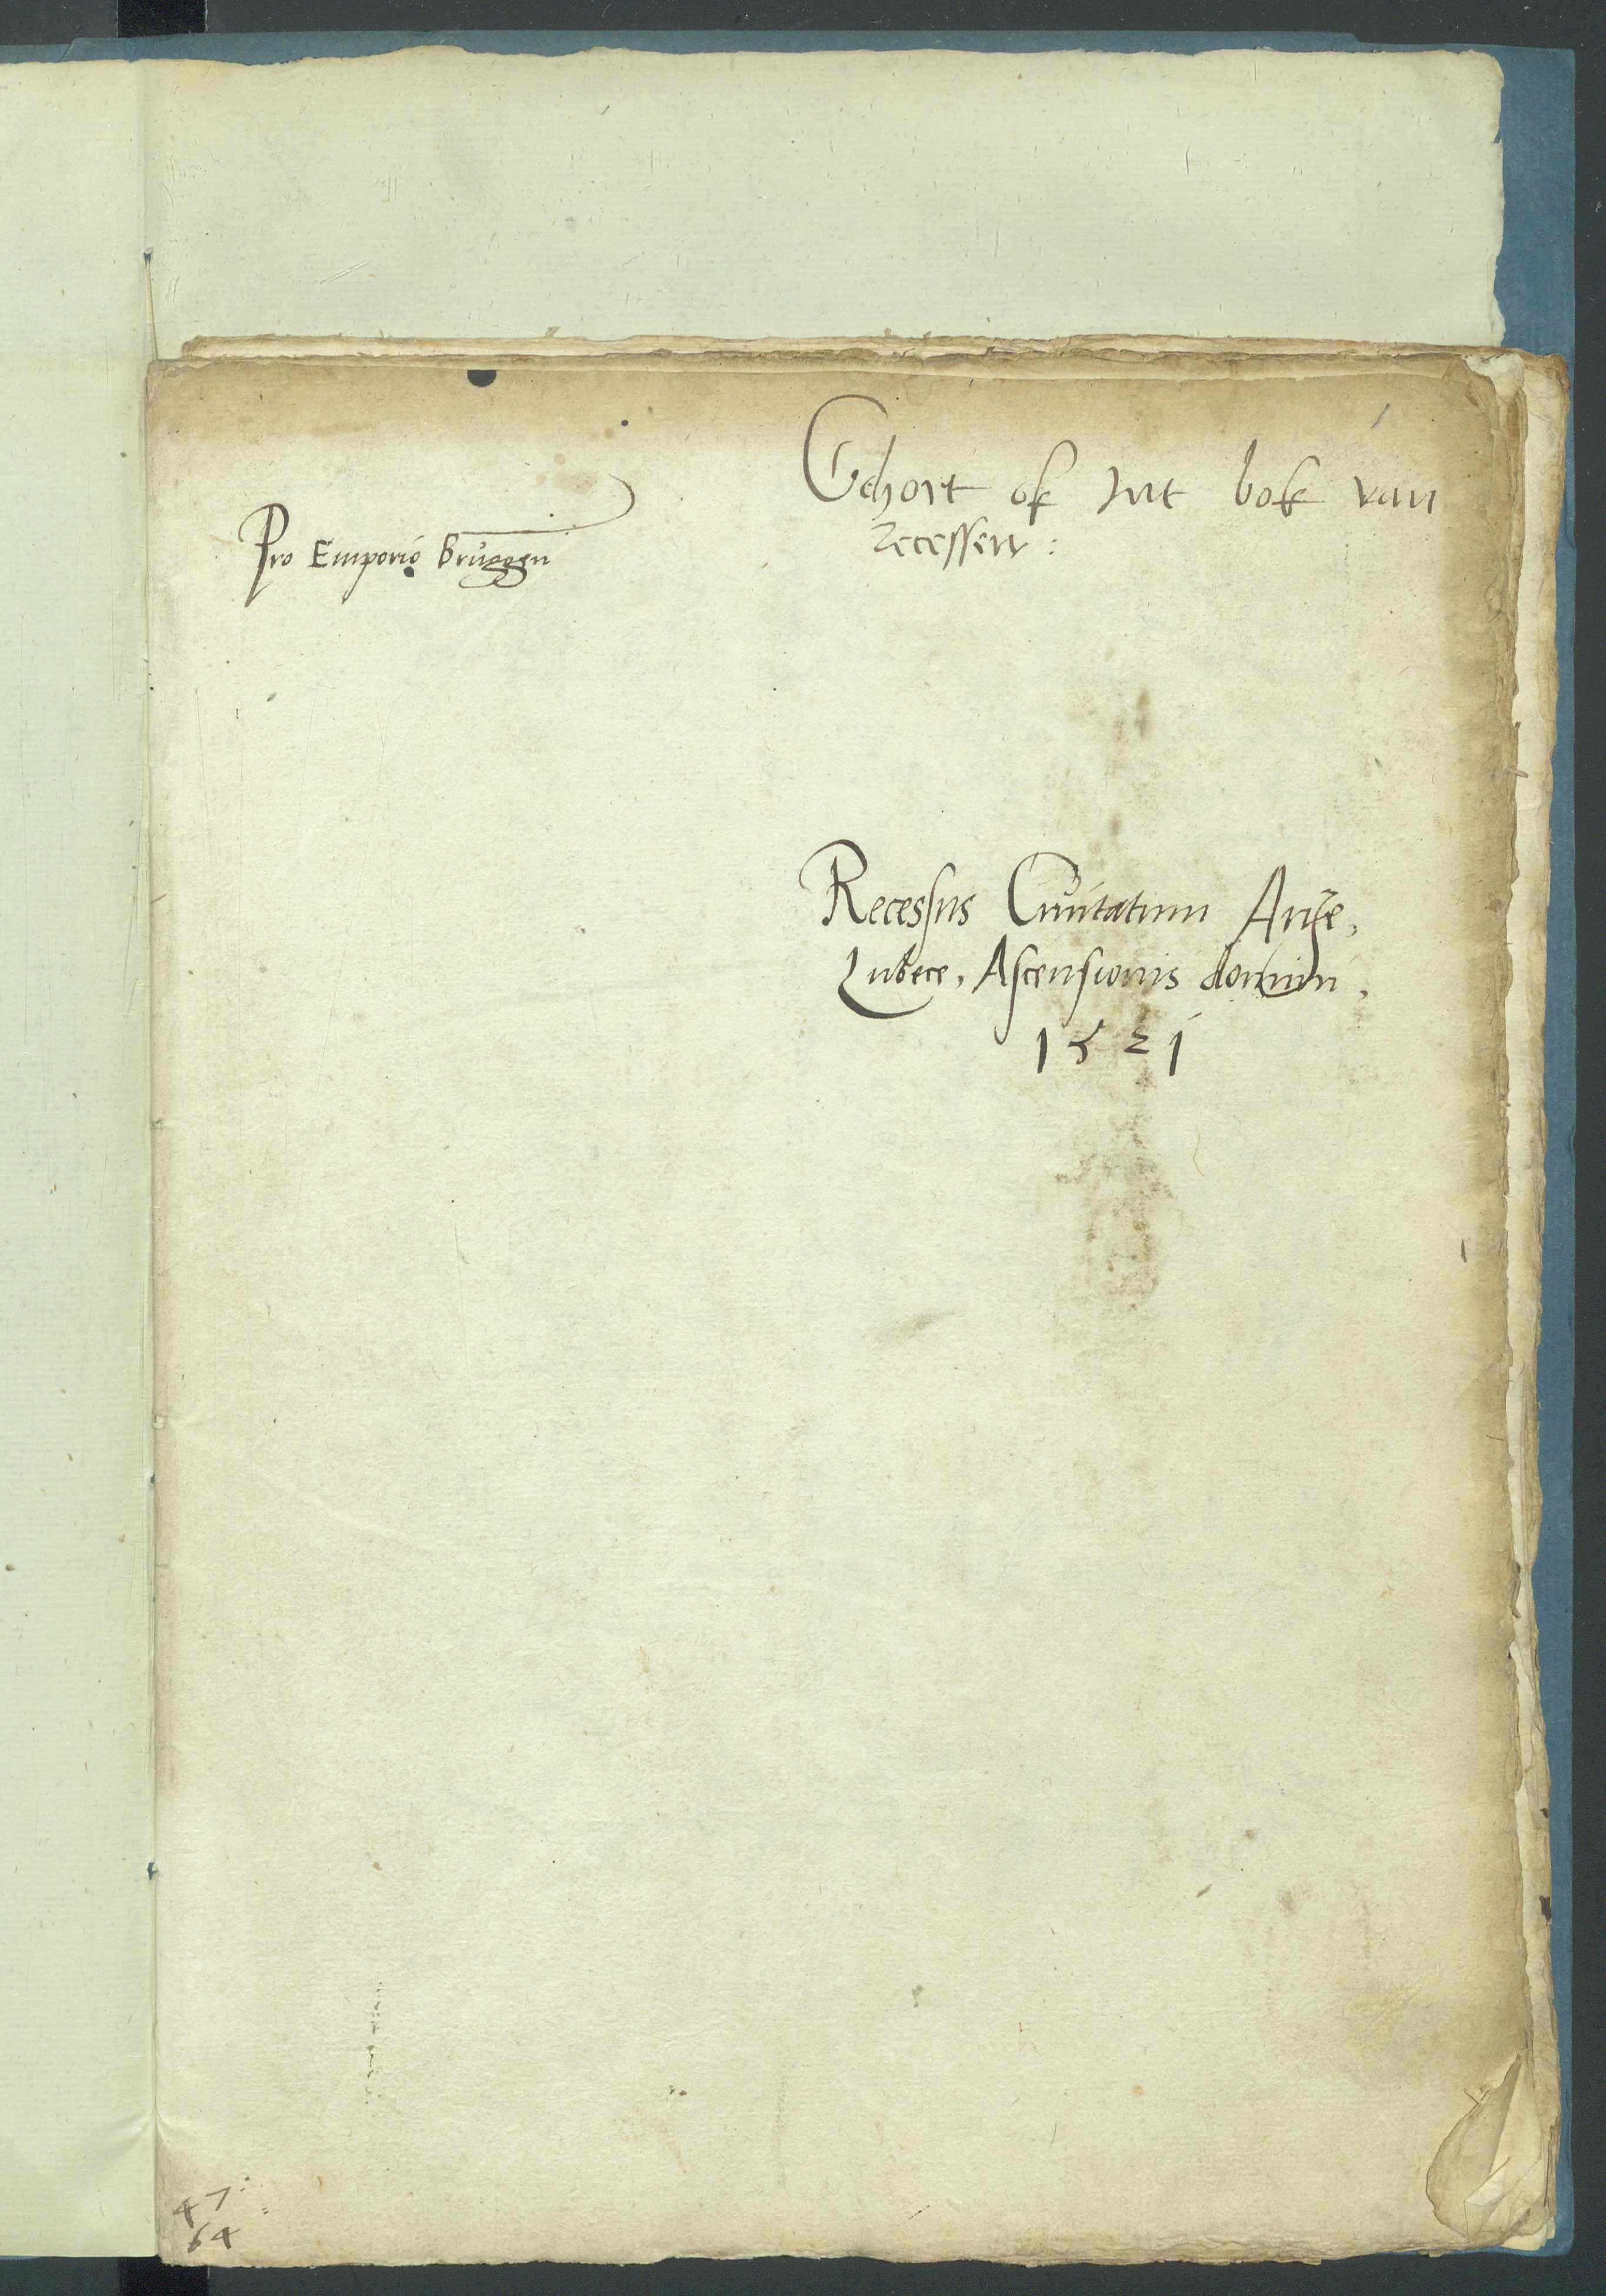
47
64
Pro Emporio Bruggensis
Gehort ok Jnt bok van
Recessen:
Recessus Ciuitatum Anze,
Lubece, Ascensionis domini,
1521
